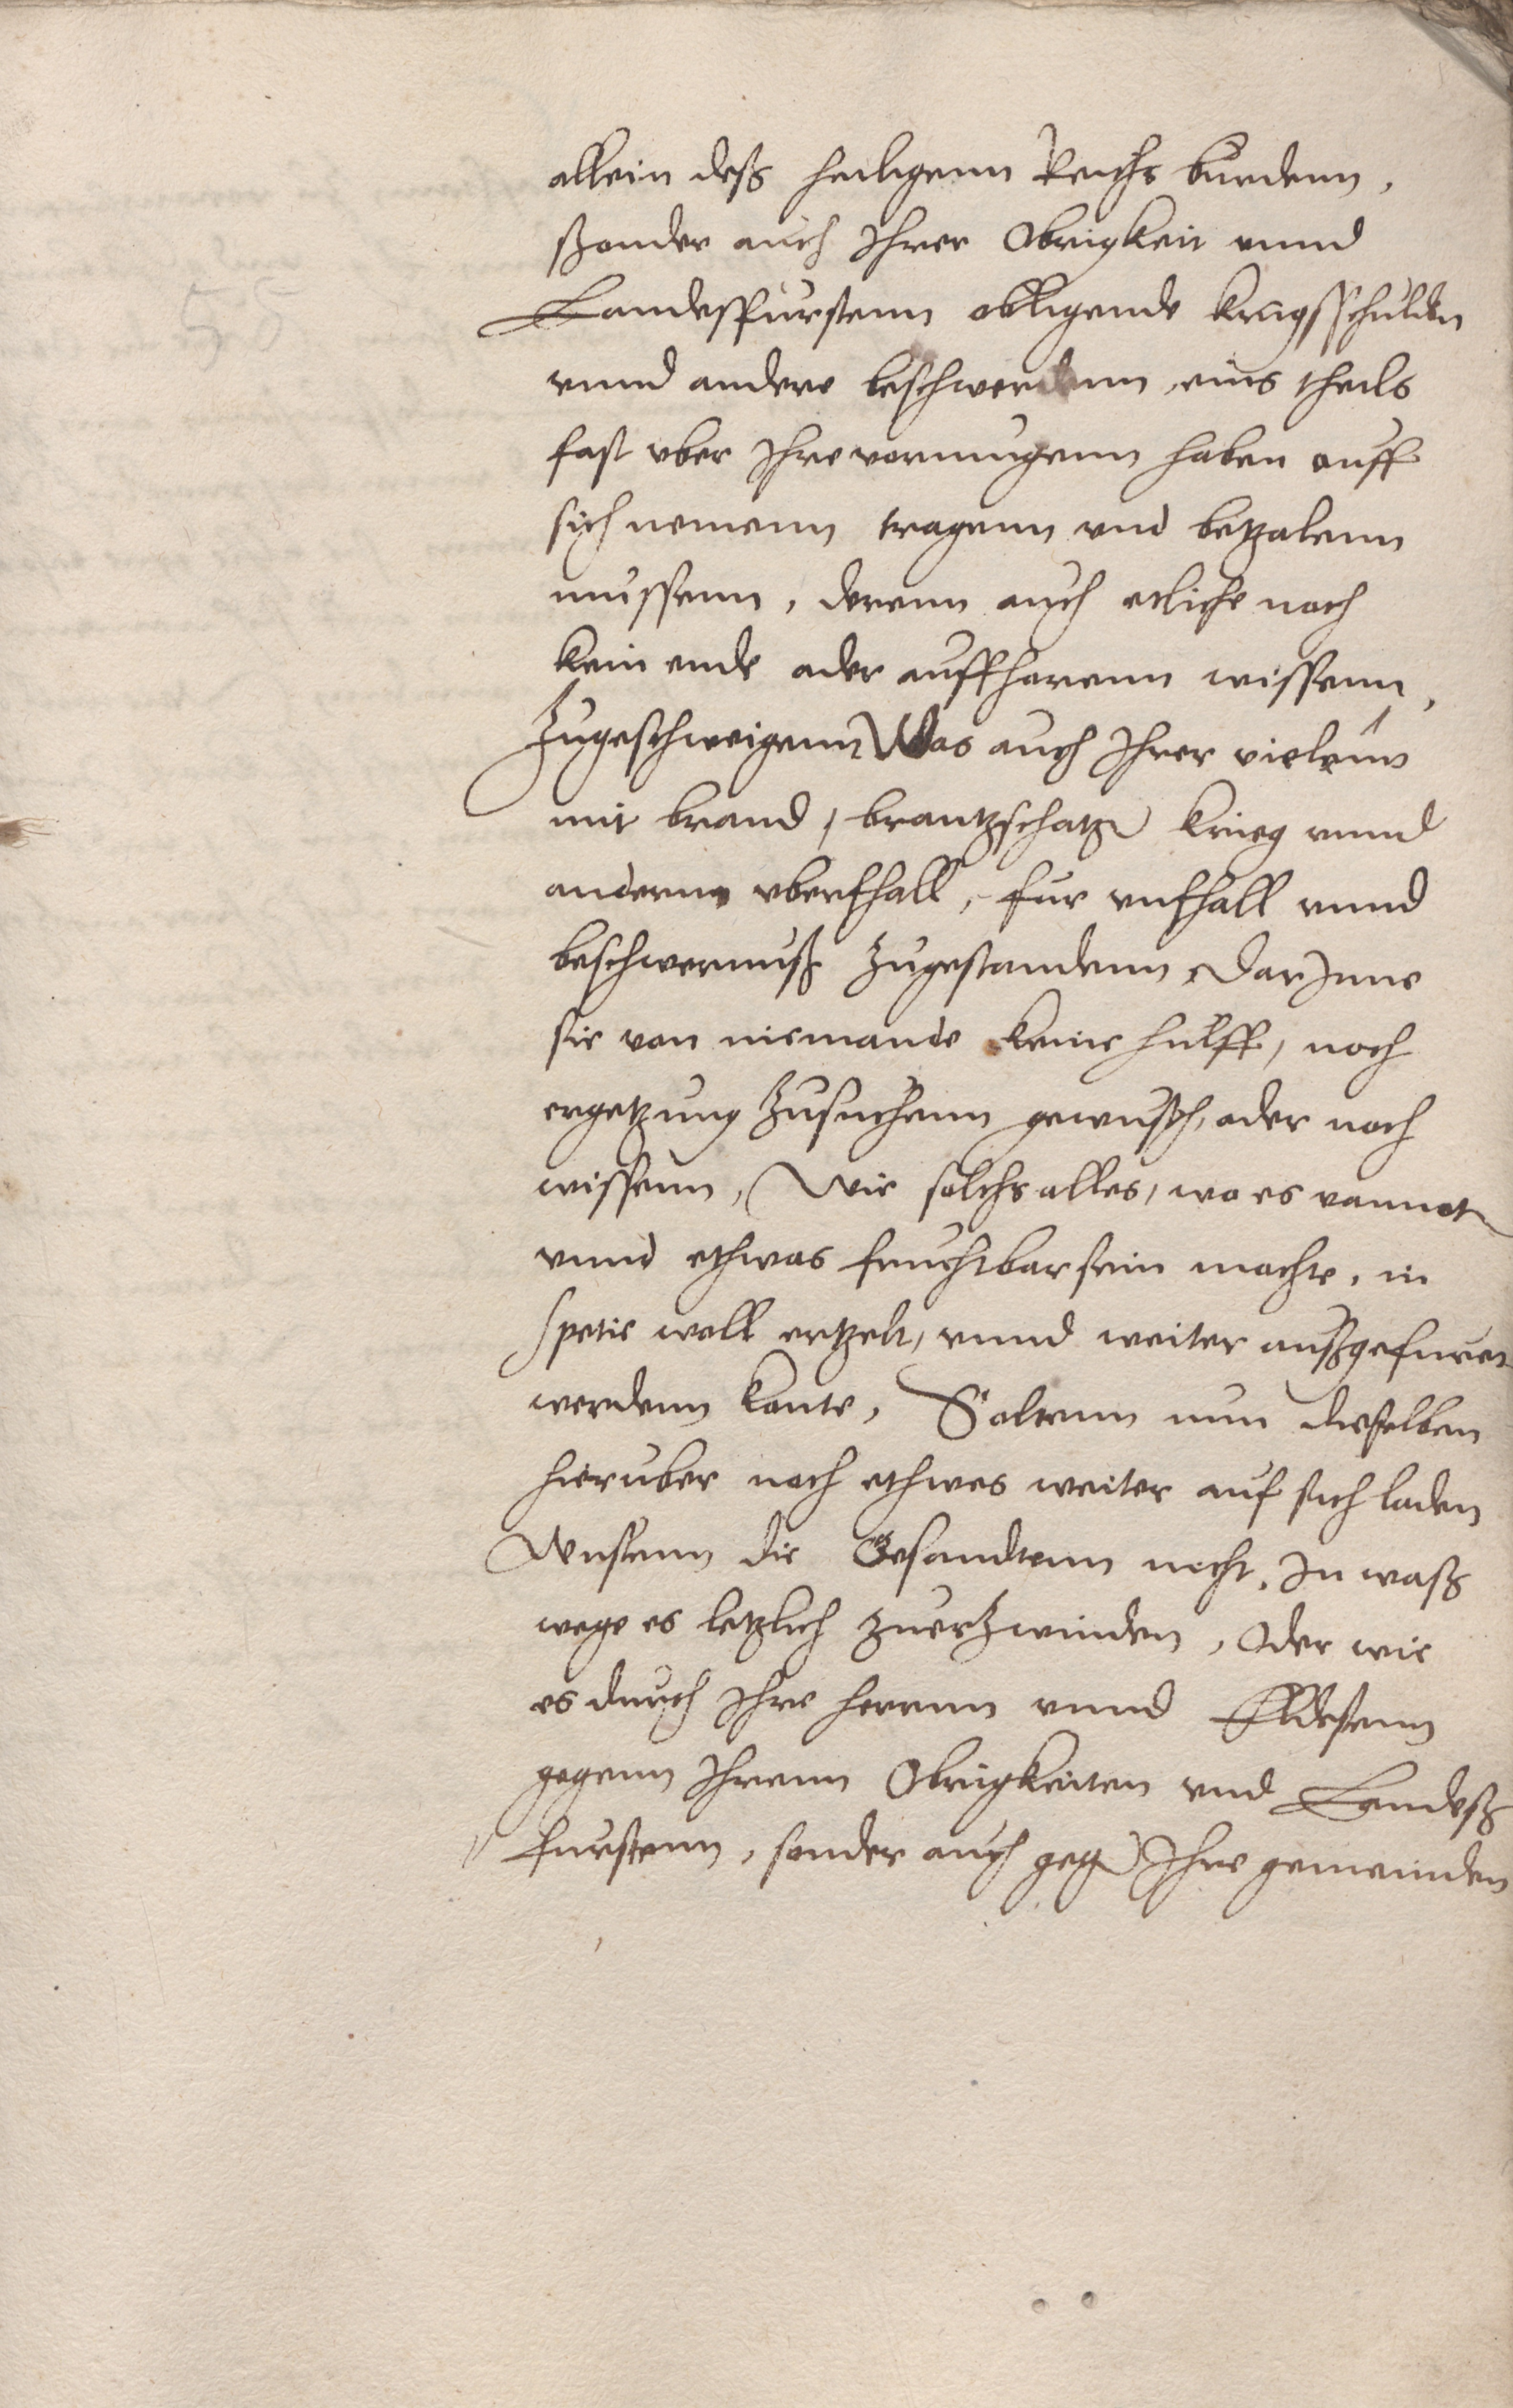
allein deß heiligenn Reichs burdenn,
ßonder auch jhrer Obrigkeit vnnd
Landesfurstenn obliegende krigsschulden
vnnd andere beschwerdenn, eins theils
fast vber jhre vormugenn haben auff
sich nemenn tragenn vnd betzalenn
mussenn, derenn auch etliche noch
kein ende ader auffhorenn wissenn,
Zugeschweigenn Was auch jhrer vielenn
mit brand, brantzschatzen krieg vnnd
andernn vberfhall, fur vnfhall vnnd
beschwernuß zugestandenn darjnne
sie von niemande keine hulff, noch
ergetzung zusuchenn gewusth, ader noch
wissenn, Wie solchs alles, wo es vannoten
vnnd ethwas fruchtbar sein mochte, in
spetie woll ertzelt, vnnd weiter außgefuren
werdenn konte, Soltenn nun dieselben
hieruber noch ethwes weiter auf sich laden
wustenn die Gesandtenn nicht, jn waß
wege es letzlich zuerzwinden, Oder wie
es durch jhre herrnn vnnd Eldestenn
gegenn jhrenn Obrigkeiten vnd Landeß¬
furstenn, sonder auch gegen jhre gemeinden
